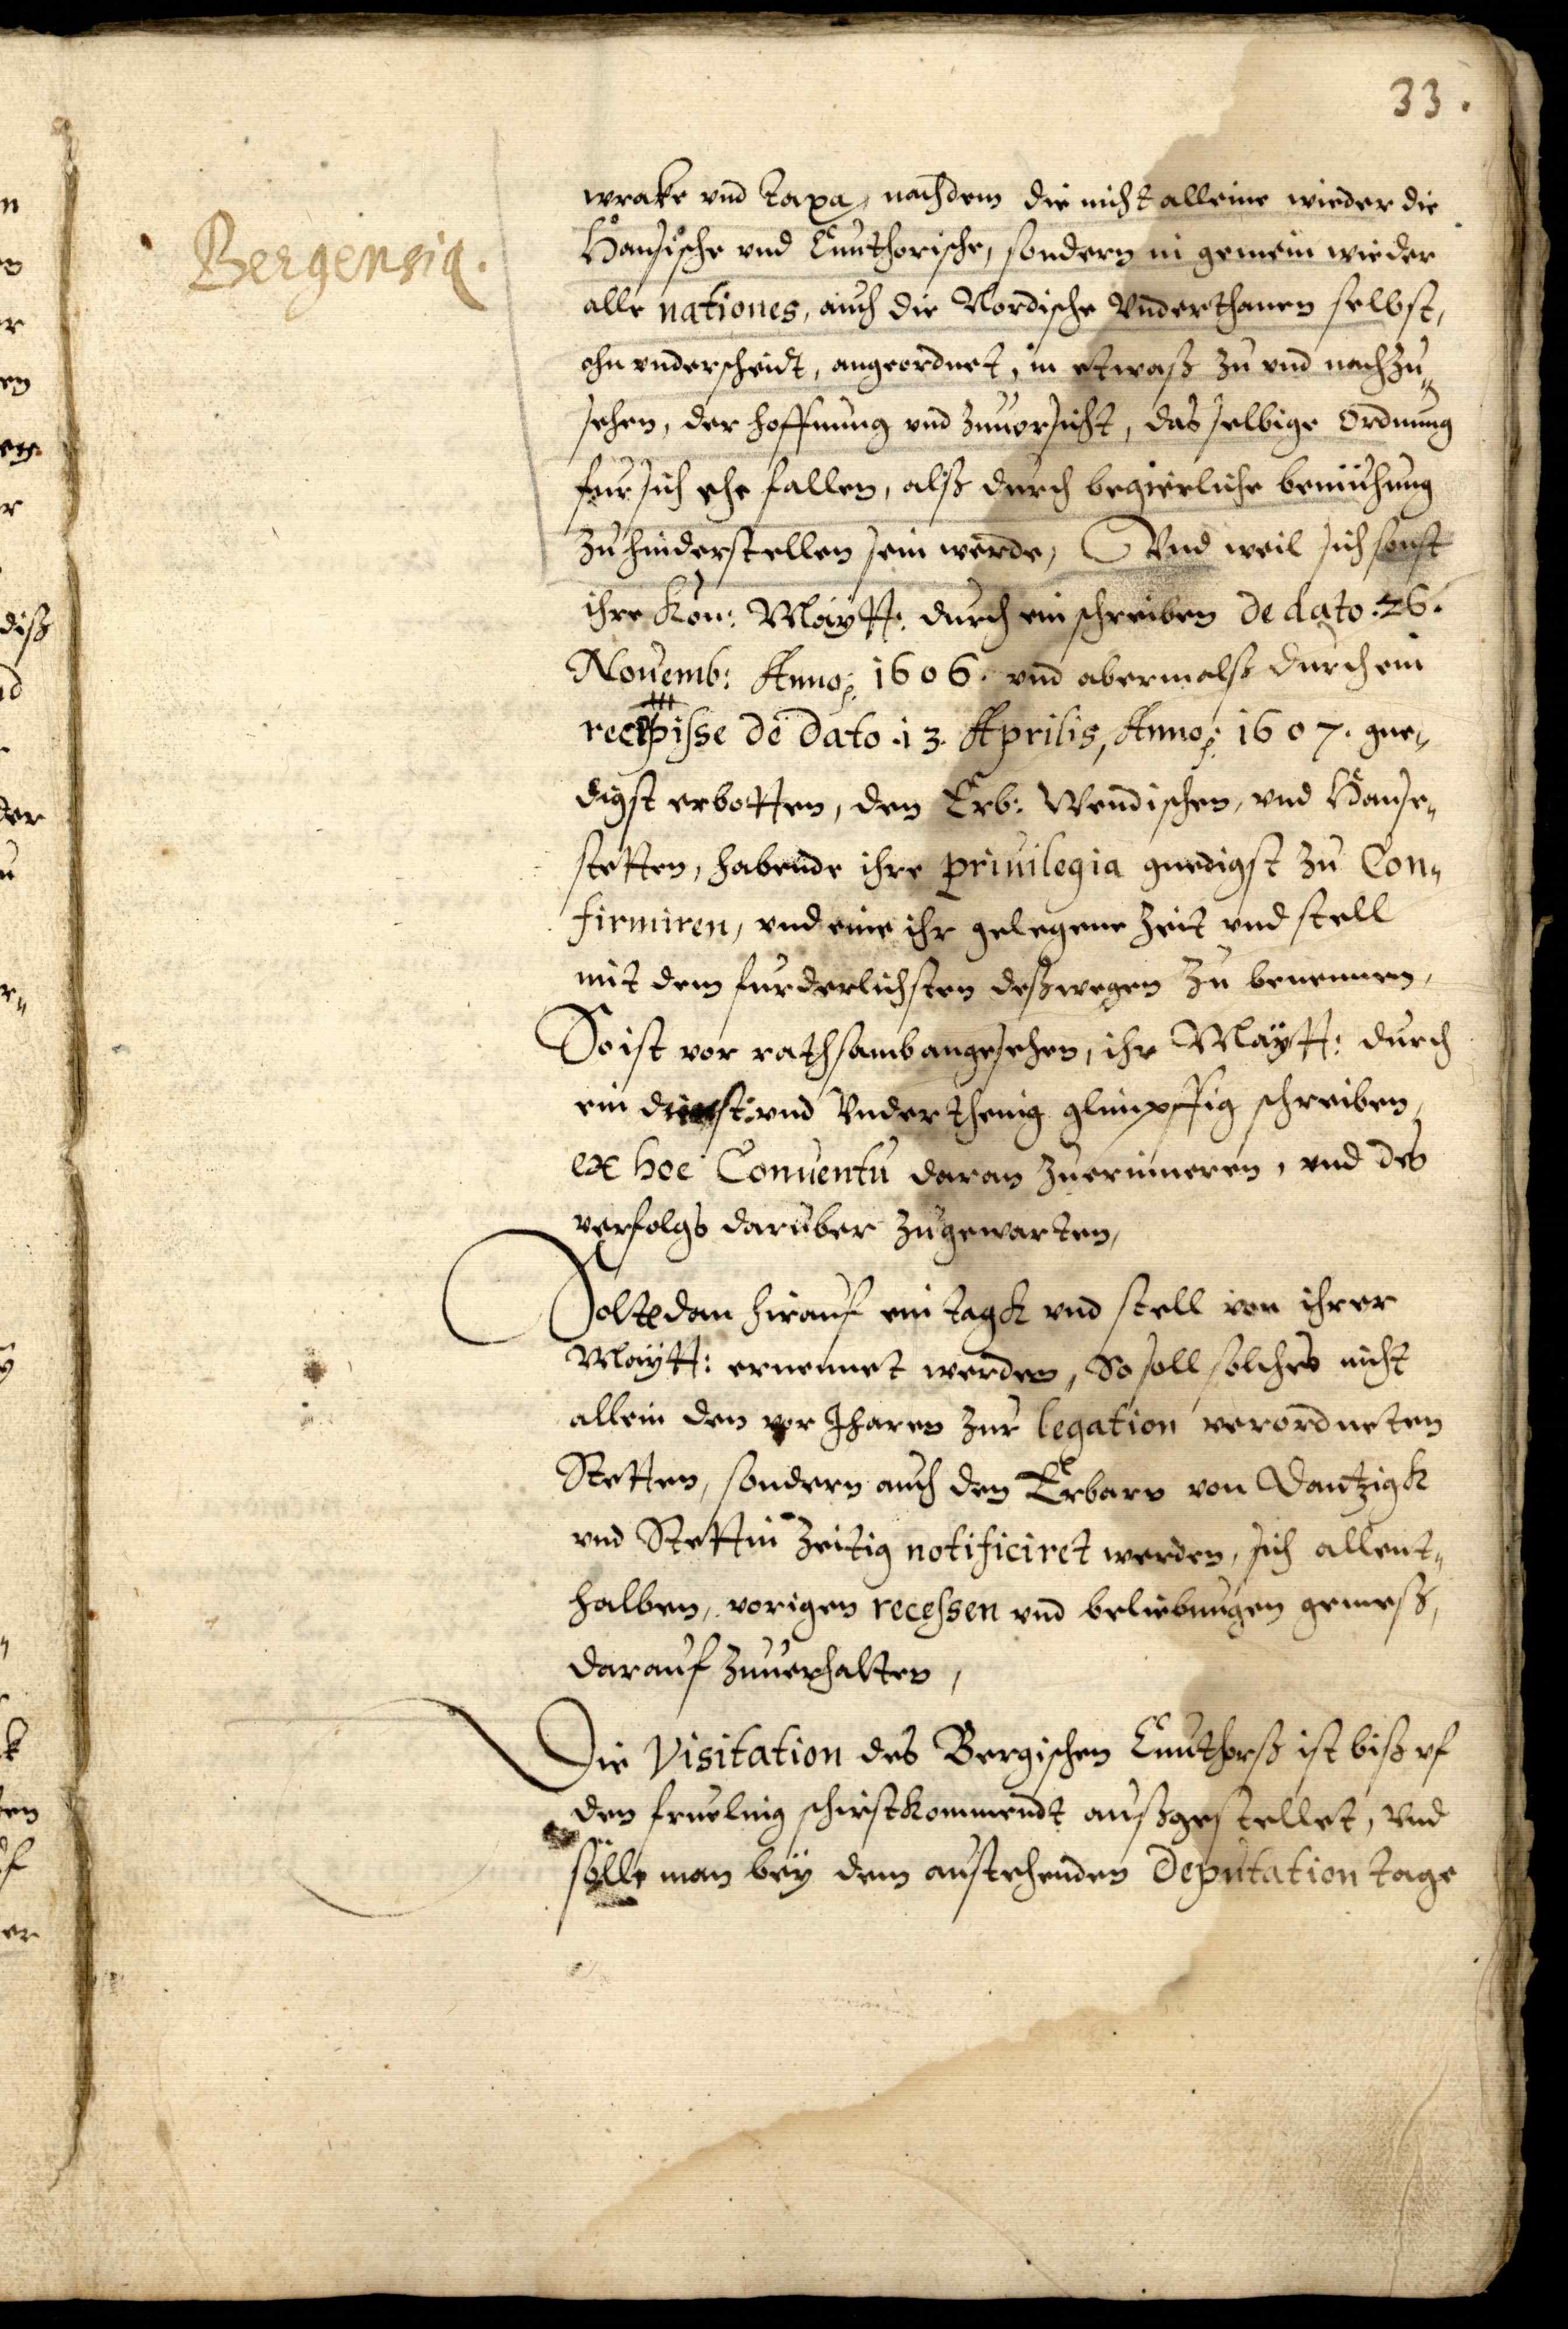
33.
wrake vnd taxa, nachdem die nicht alleine wieder die
Hansische vnd Cunthorische, sondern in gemein wieder
alle nationes, auch die Nordische Vnderthanen selbst,
ohn vnderschiedt, angeordnet, in etwaß zu vnd nachzu¬
sehen, der hoffnung vnd zuuorsicht, das selbige Ordnung
fur sich ehe fallen, alß durch begierliche bemühung
zu hinderstellen sein werde, Vnd weil sich sonst
ihre kön: Maijtt: durch ein schreiben de dato .26.
Nouem: Anno p. 1606. vnd abermalß durch ein
recepise de dato .13. Aprilis, Anno p. 1607. gne¬
digst erbotten, den Erb: Wendischen, vnd Hanse¬
stetten, habende ihre priuilegia gnedigst zu Con¬
firmiren, vnd eine ihr gelegener zeit vnd stell
mit dem furderlichsten deßwegen zu benennen,
So ist vor rathsamb angesehen, ihr Maijtt: durch
in dienst: vnd vnderthemig glimpffig schreiben,
exhoc Conuentu daran zuerinnern, vnd des
verfolgs daruber zugewarten,
Bergensia
Solte dan hirauf ein tagk vnd stell von ihrer
Maijtt: ernennet werden, so soll solches nicht
allein den vor Jharen zur legation verordneten
Stetten, sondern auch den Erbarn von Dantzigk
vnd Stettin zeitig notificiret werden, sich allent¬
halben, vorigen recessen vnd beliebungen geweß,
darauf zuuerhalten,
Die Visitation des Bergischen Cunthorß ist biß vf
den frueling schirstkommendt außgestellet. vnd
sölle man beij dem austehenden deputationtage
